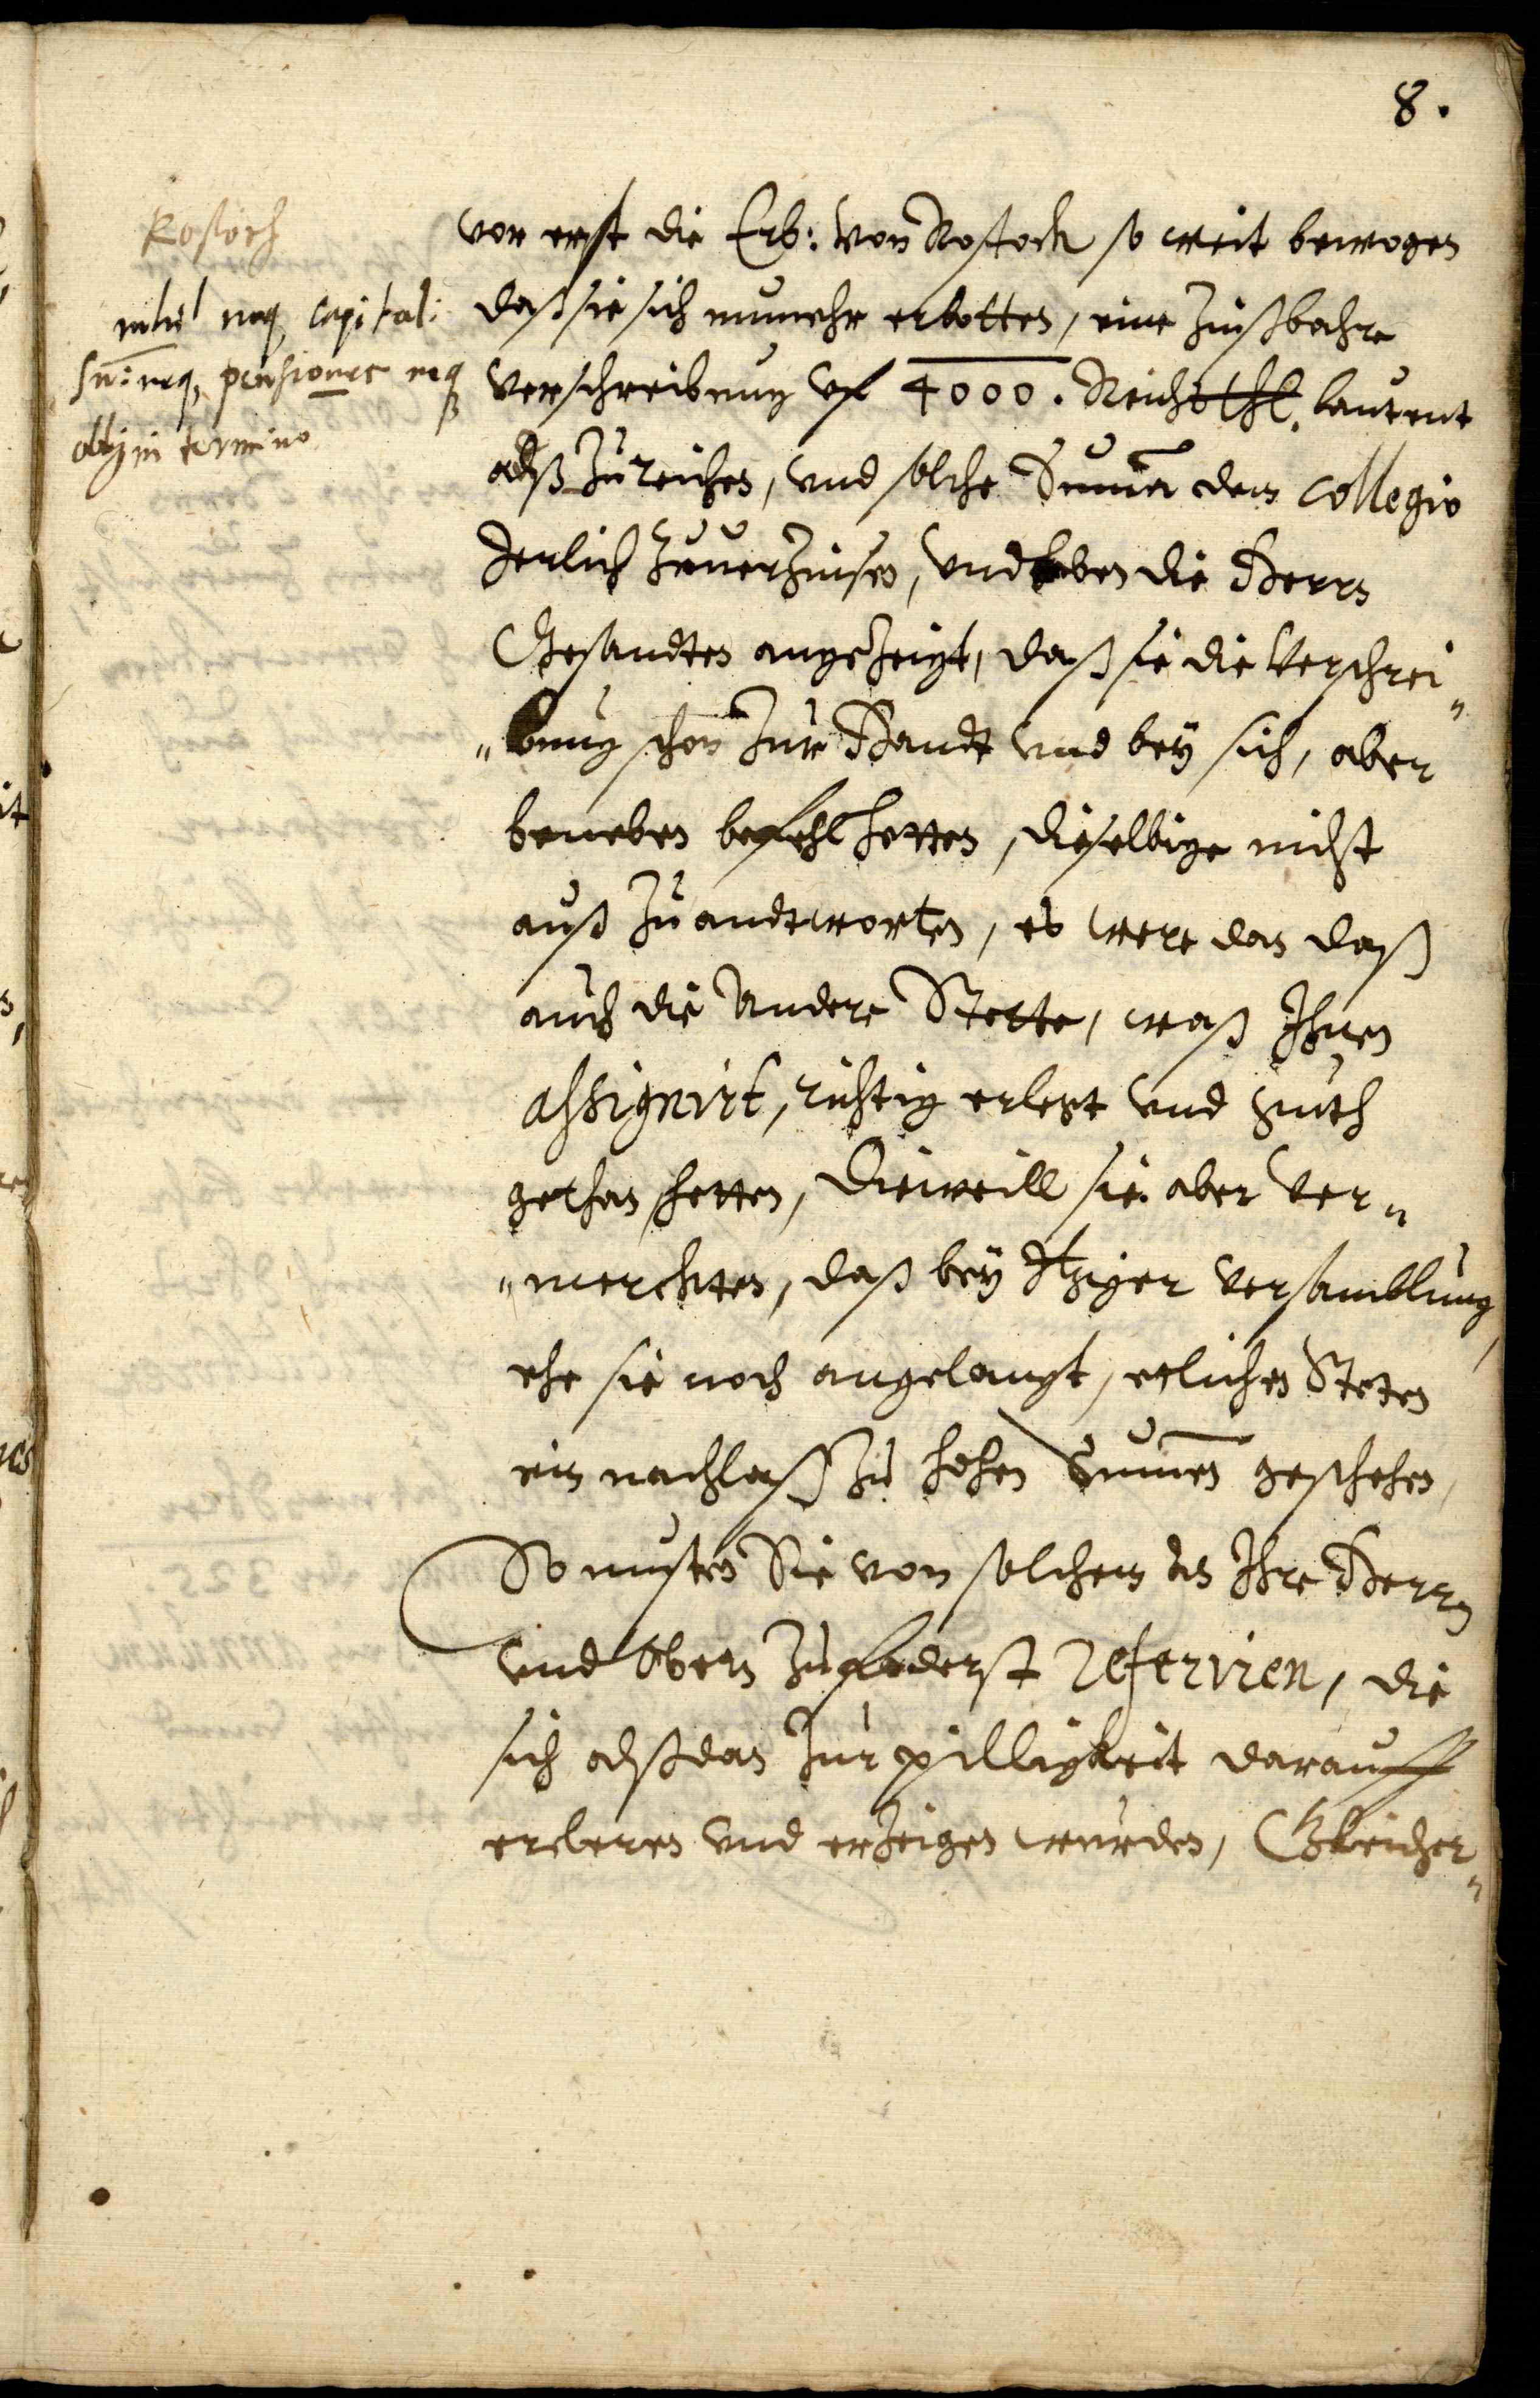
8.
Rostoch
nihil neque Capital:
sui neque pensiones, neque
oblj in termino
vor erst die Erb: von Rostock so weit bewogen
daß sie sich numehr erbotten, eine zinßbahre
verschreibung vf 4000. Reichsthl. lautent
alß zureichen, vnd solche Summa dem collegio
Jerlich zuuerzinsen, vnd haben die Herrn
Gesandten angezeigt, daß sie die Verschrei¬
bung schon zur Handt vnd beij sich, aber
beneben befehl hetten, dieselbige nicht
auß zu andtworten, es were dan daß
auch die andere Stette, waß Ihnen
assignirt, richtig erlegt vnd guth
gethan hetten, Dieweill sie aber ver¬
merckten, daß beij Itziger Versamblung,
ehe sie noch angelangt, etlichen Steten,
ein nachlaß zu hohen Summen geschehen,
So musten Sie von solchem an Ihre Herrn
vnd Obern zufoderst referiren, die
sich alßdan zur pilligkeit darauff
ercleren vnd erzeigen wurden, Gleicher¬
